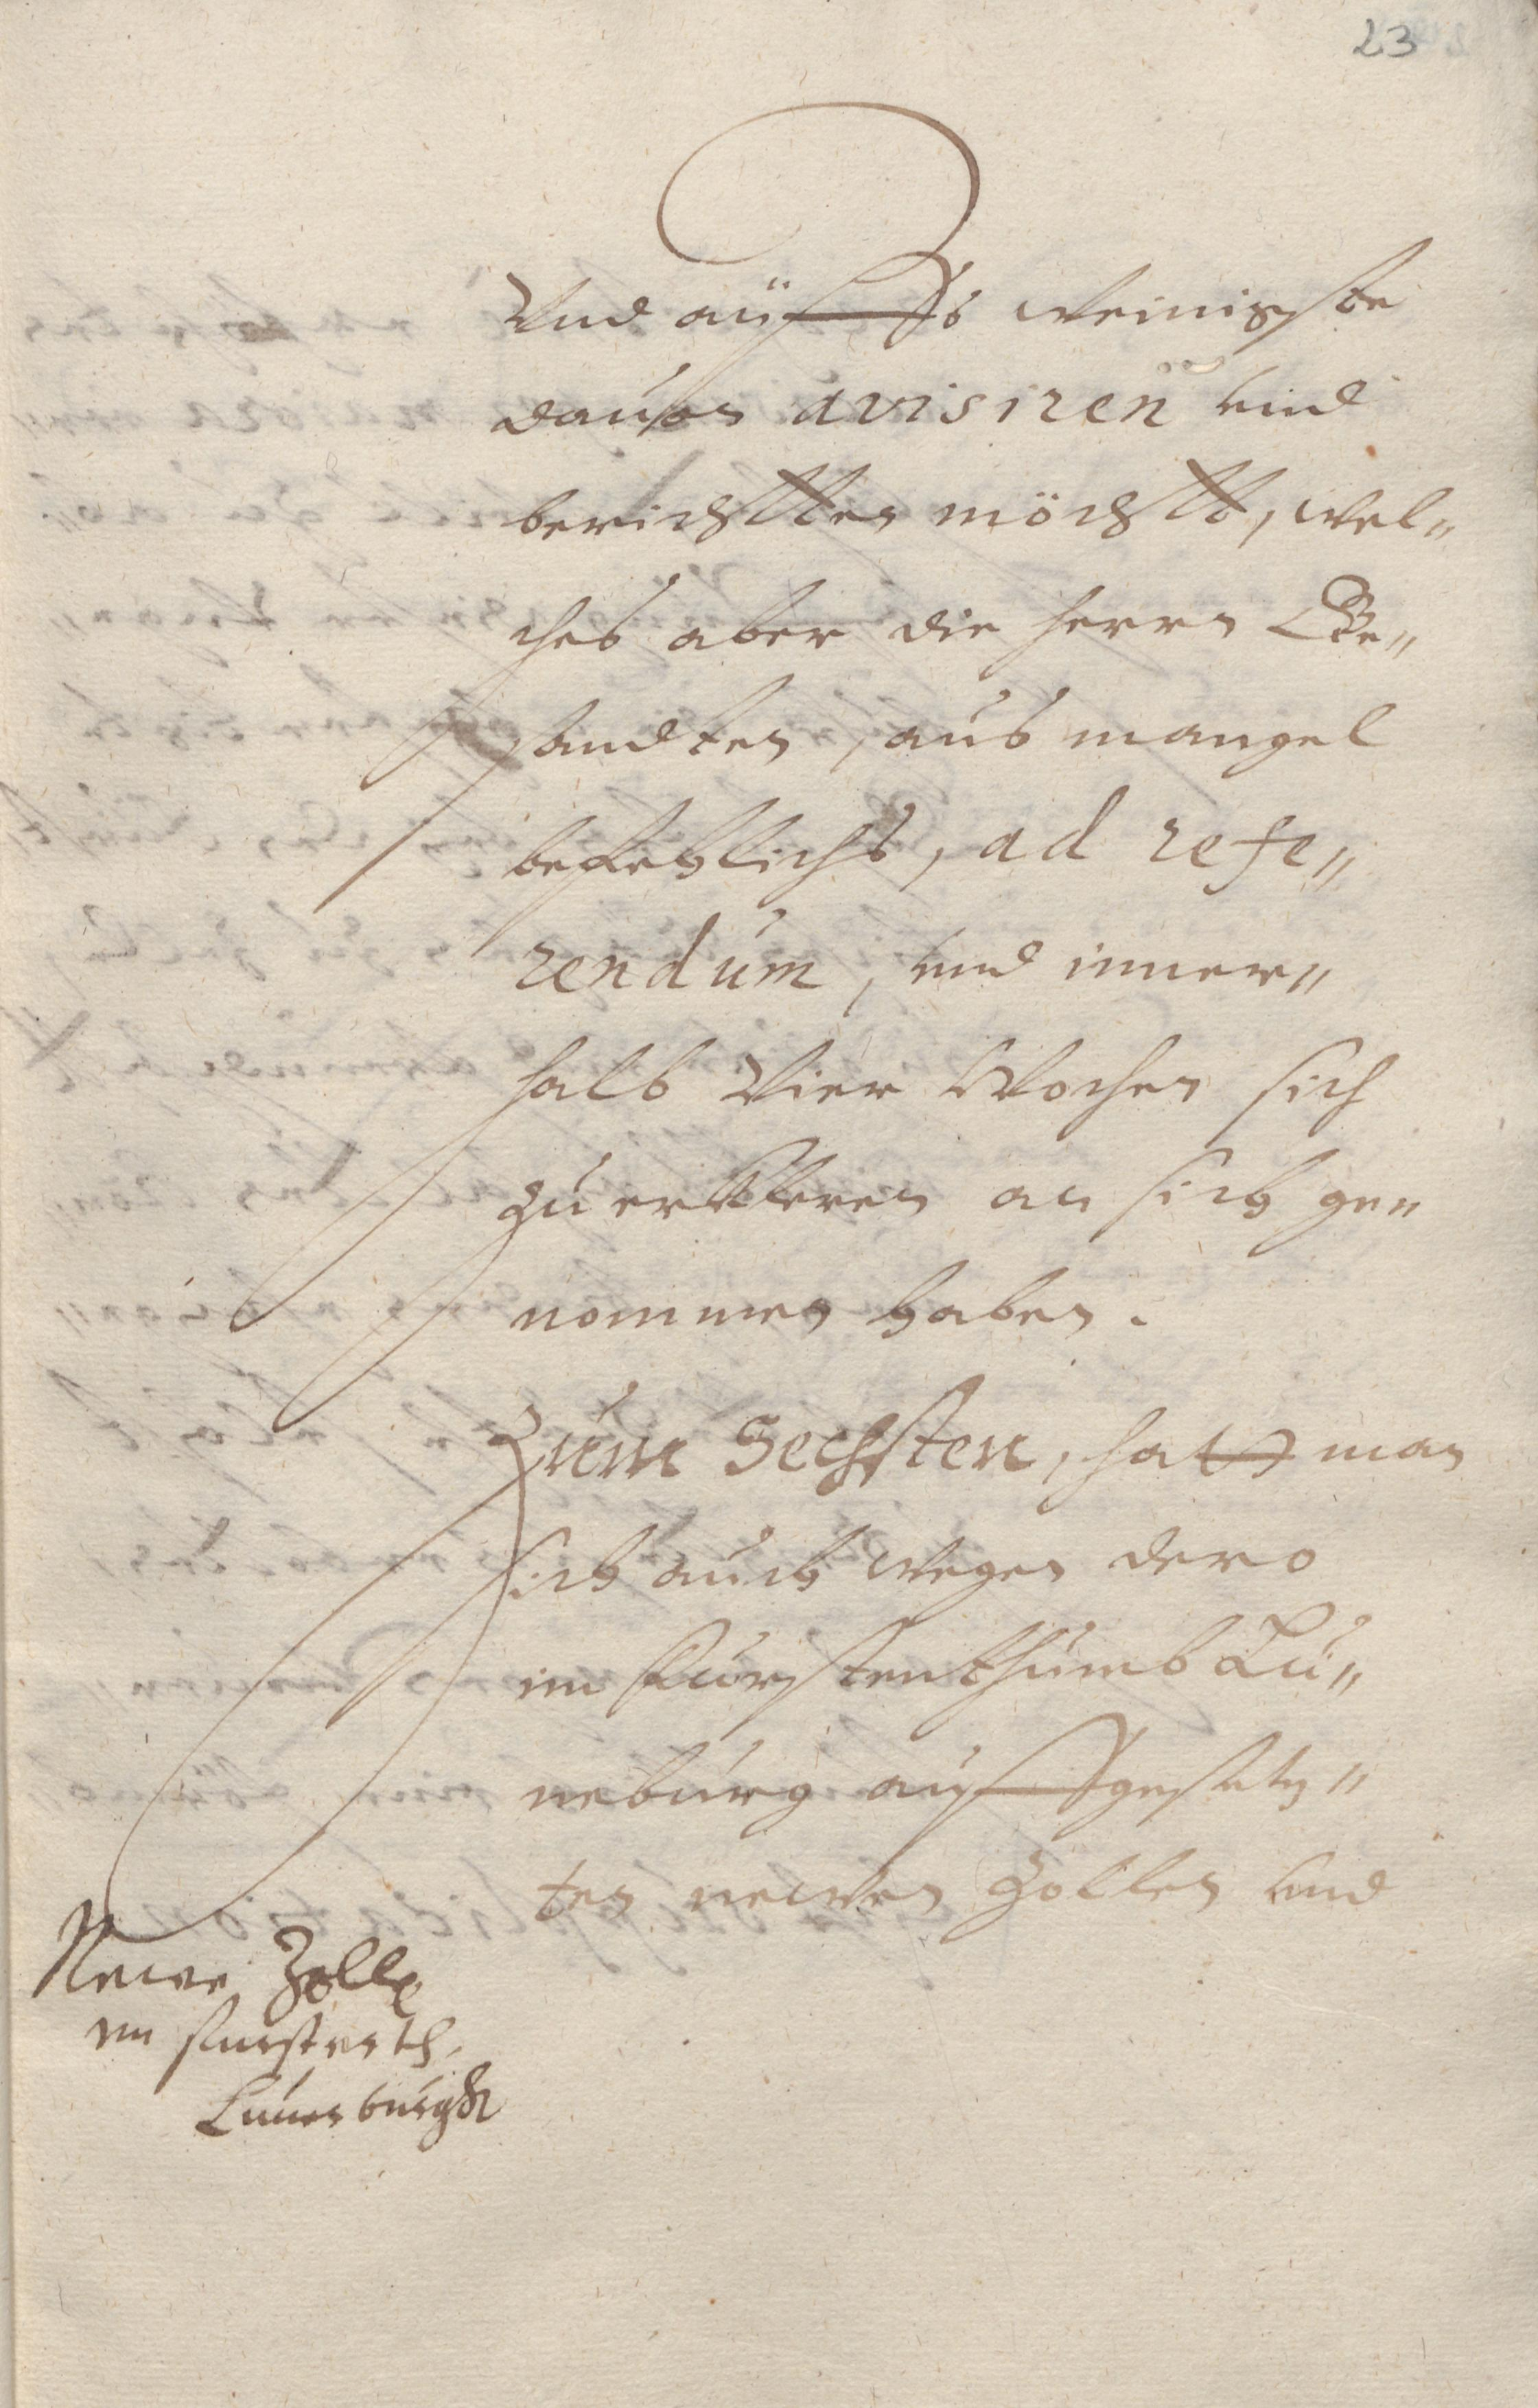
Vnd aüffs weinigste
dauon avisiren und
berichtten möchtt, wel¬
ches aber die herrn Ge¬
sandten, aus mangel
befehlichs, ad refe¬
rendum, vnd inner¬
halb vier Wochen sich
zu erkleren an sich ge¬
nommen haben.
Zum Sechsten, hatt man
sich auch wegen dero
im Furstenthumb Lu¬
neburg auffgesetz¬
ten newen Zollen vnd
Newe Zolle
im furstenth.
Lunenburgk
